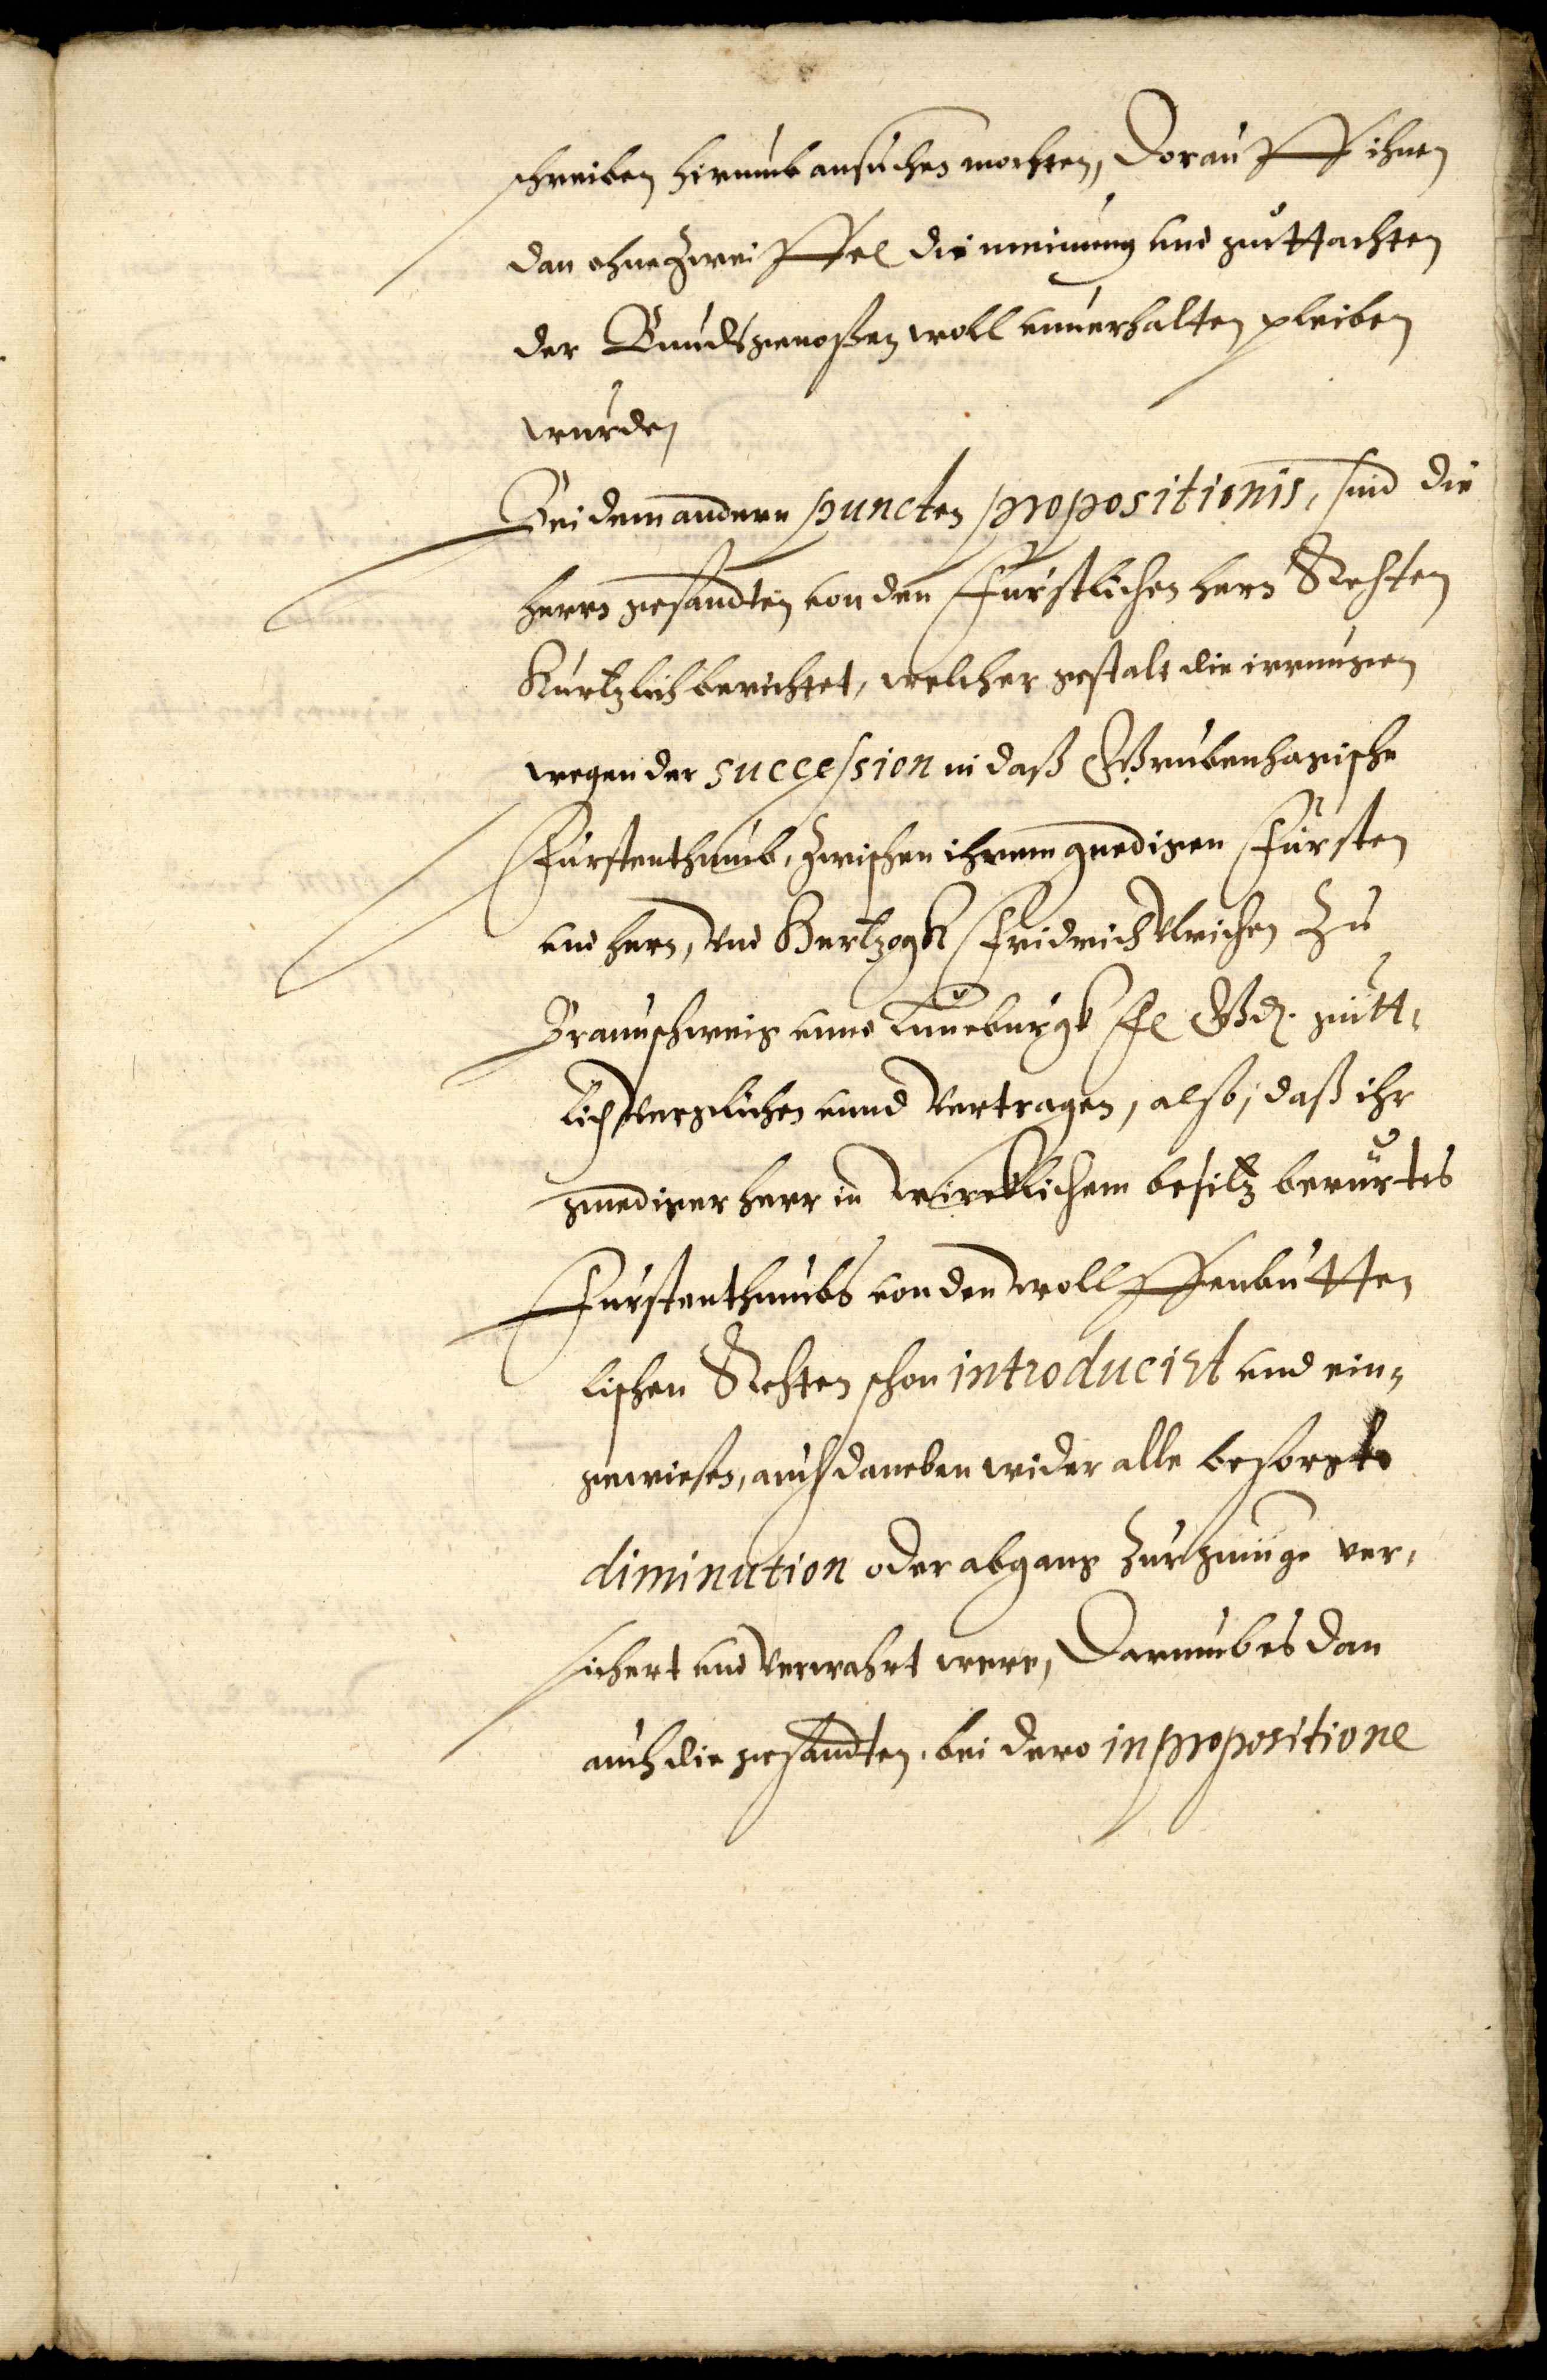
schreiben hirumb ansuchen mochten, Dorauff ihnen
dan ohne zweiffel die meinung vnd guttachten
der Bundsgenoßen woll vnuerhalten pleiben
wurden
Bei dem andern puncten propositionis, sind die
herrn gesandten von den Furstlichen hern Rehten
kurtzlich berichtet, welcher gestalt die irrungen
wegen der succession in daß Grubenhagische
Furstenthumb, zwischen ihrem gnedigen Fürsten
vnd hern, vnd Hertzogk Fridrich Vlrichen Zu
Braunschweig vnnd Luneburgk Fl. Gd. gütt¬
lich verglichen vnnd vertragen, also, daß ihr
gnediger herr in wircklichem besitz berürtes
Furstenthumbs von den Wollffenbutte¬
lichen Rehten schon introducirt vnd ein¬
gewiesen, auch daneben wider alle besorgte
diminution oder abgang zur gnüge ver¬
sichert vnd verwahrt were, Darumb es dan
auch die gesandten bei dero in propositione
